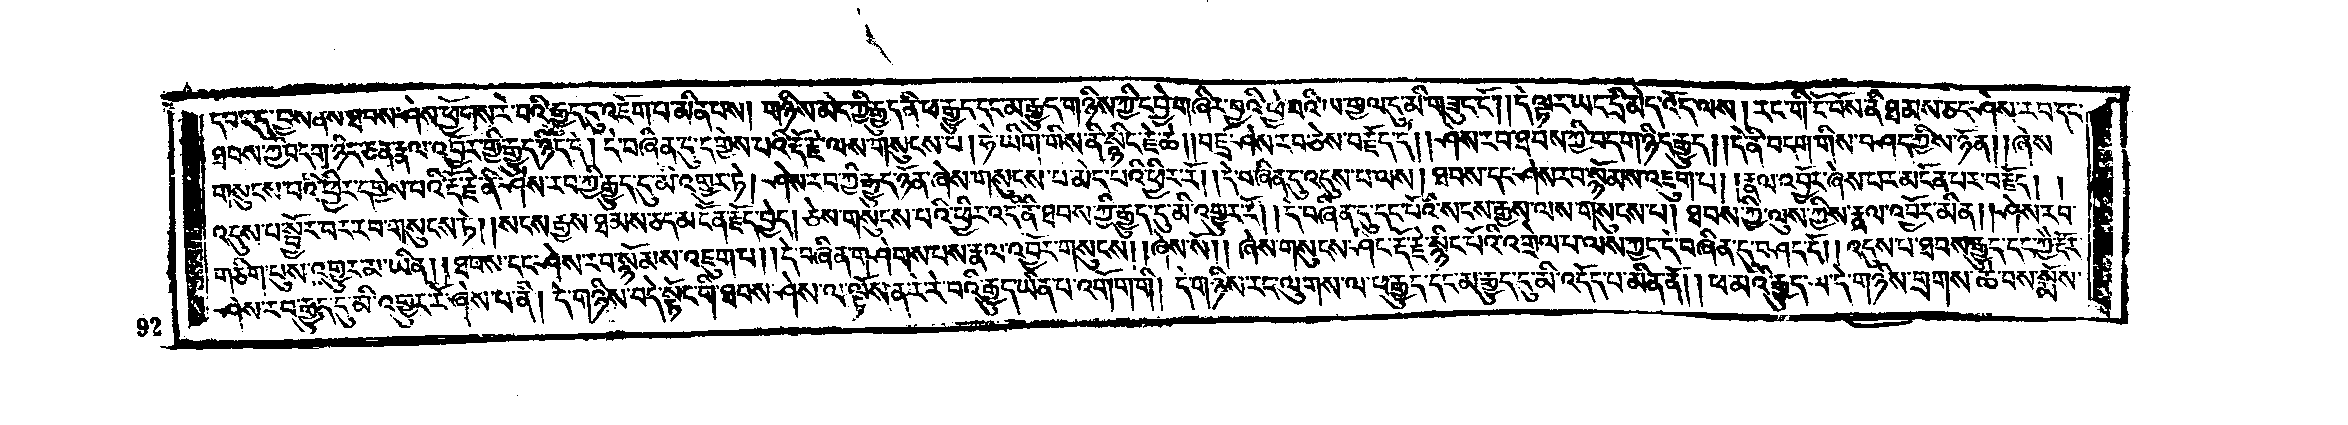དབང་དུ་བྱས་ནས་ཐབས་ཤེས་ཕྱོགས་རེ་བའི་རྒྱུད་དུ་འཇོག་པ་མིན་པས། གཉིས་མེད་ཀྱི་རྒྱུད་ནི་ཕ་རྒྱུད་དང་མ་རྒྱུད་གཉིས་ཀྱི་དབྱེ་གཞིར་བྱའི་ཕྱེ་བའི་ཡ་གྱལ་དུ་མི་གཟུང་ངོ། །དེ་ལྟར་ཡང་དྲི་མེད་འོད་ལས། རང་གི་ངོ་བོས་ནི་ཐམས་ཅད་ཤེས་རབ་དང་
ཐབས་ཀྱི་བདག་ཉིད་ཅན་རྣལ་འབྱོར་གྱི་རྒྱུད་ཉིད་དེ། དེ་བཞིན་དུ་དགྱེས་པའི་རྡོ་རྗེ་ལས་གསུངས་པ། ཧེ་ཡིག་གིས་ནི་སྙིང་རྗེ་ཆེ། །བཛྲ་ཤེས་རབ་ཅེས་བརྗོད་དེ། །ཤེས་རབ་ཐབས་ཀྱི་བདག་ཉིད་རྒྱུད། །དེ་ནི་བདག་གིས་བཤད་ཀྱིས་ཉོན། །ཞེས་
གསུངས་པའི་ཕྱིར་དགྱེས་པའི་རྡོ་རྗེ་ནི་ཤེས་རབ་ཀྱི་རྒྱུད་དུ་མི་འགྱུར་ཏེ། ཤེས་རབ་ཀྱི་རྒྱུད་ཉོན་ཞེས་གསུངས་པ་མེད་པའི་ཕྱིར་རོ། །དེ་བཞིན་དུ་འདུས་པ་ལས། ཐབས་དང་ཤེས་རབ་སྙོམས་འཇུག་པ། །རྣལ་འབྱོར་ཞེས་པར་མངོན་པར་བརྗོད། །
འདུས་པ་སྦྱོར་བར་རབ་གསུངས་ཏེ། །སངས་རྒྱས་ཐམས་ཅད་མངོན་རྗོད་བྱེད། ཅེས་གསུངས་པའི་ཕྱིར་འདི་ནི་ཐབས་ཀྱི་རྒྱུད་དུ་མི་འགྱུར་རོ། །དེ་བཞིན་དུ་དང་པོའི་སངས་རྒྱས་ལས་གསུངས་པ། ཐབས་ཀྱི་ལུས་ཀྱིས་རྣལ་འབྱོར་མིན། །ཤེས་རབ་
གཅིག་པུས་འགྱུར་མ་ཡིན། །ཐབས་དང་ཤེས་རབ་སྙོམས་འཇུག་པ། །དེ་བཞིན་གཤེགས་པས་རྣལ་འབྱོར་གསུངས། །ཞེས་སོ། །ཞེས་གསུངས་ཤིང་རྡོ་རྗེ་སྙིང་པོའི་འགྲེལ་པ་ལས་ཀྱང་དེ་བཞིན་དུ་བཤད་དོ། །འདུས་པ་ཐབས་རྒྱུད་དང་ཀྱཻ་རྡོར་
ཤེས་རབ་རྒྱུད་དུ་མི་འགྱུར་རོ་ཞེས་པ་ནི། དེ་གཉིས་བདེ་སྟོང་གི་ཐབས་ཤེས་ལ་ལྟོས་ན་རེ་རེ་བའི་རྒྱུད་ཡིན་པ་འགོག་གི །དེ་གཉིས་རང་ལུགས་ལ་ཕ་རྒྱུད་དང་མ་རྒྱུད་དུ་མི་འདོད་པ་མིན་ནོ། །ཕ་མའི་རྒྱུད་ལ་དེ་གཉིས་གྲགས་ཆེ་བས་སྨོས་